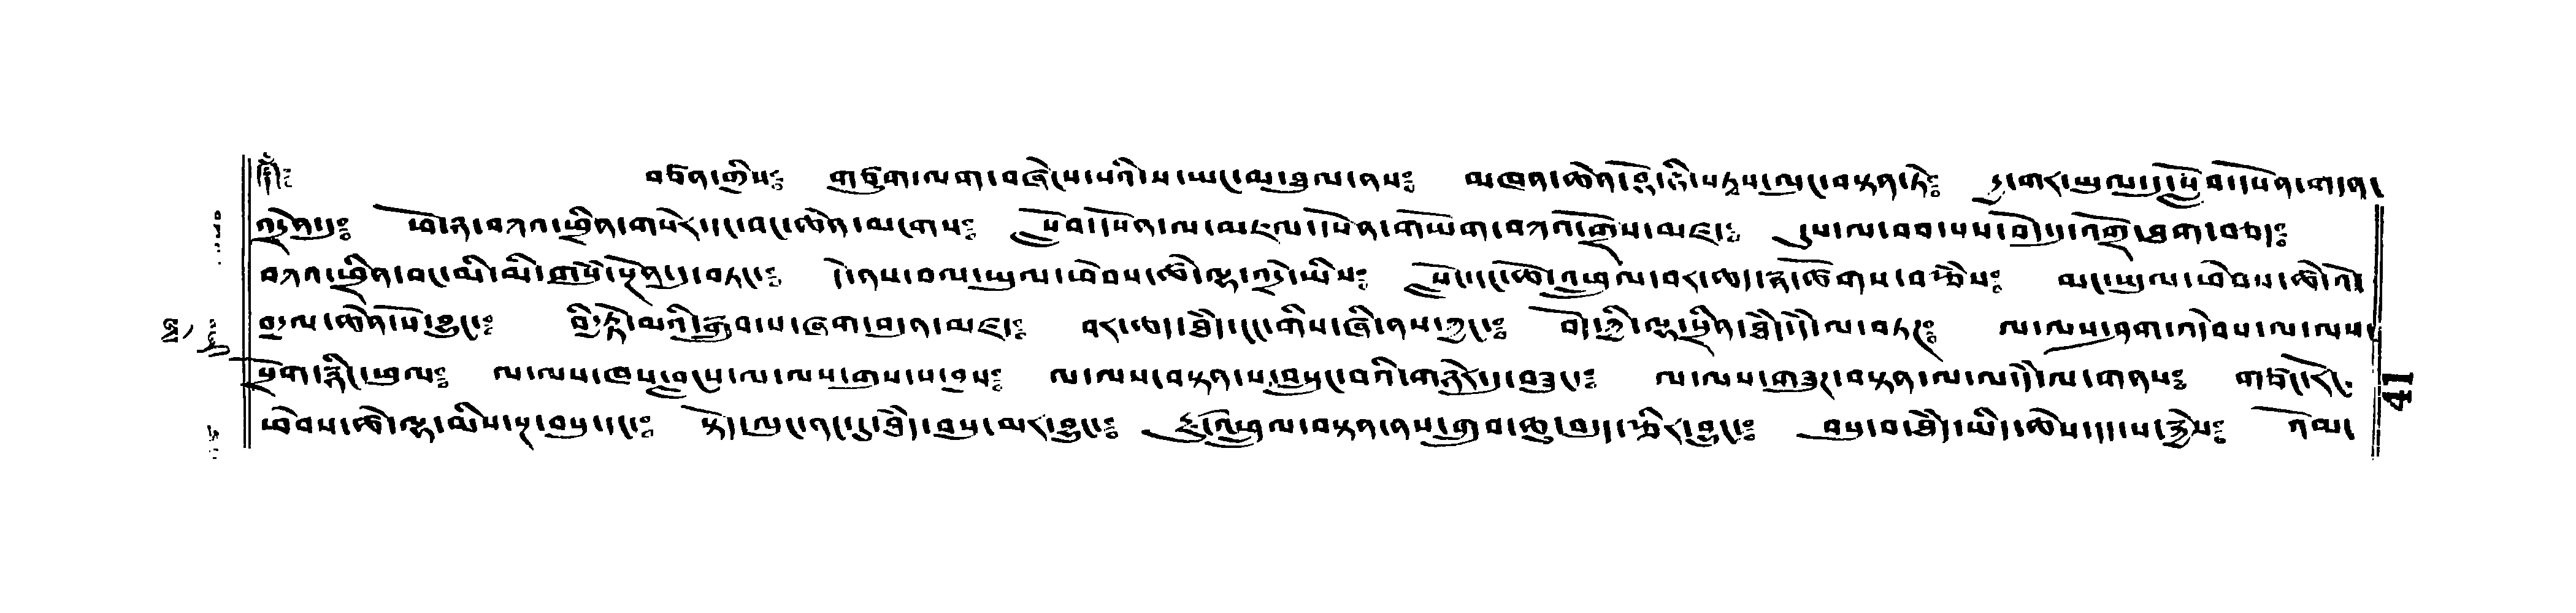བཙན་གྱིས༔ གཙུག་ལག་བཞེངས་པའི་ས་ཡང་མ་ཐུལ་ནས༔ མཁའ་ཆེན་བྷོ་དྷི་ས་ཏྭས་ལུང་བསྟན་སྟེ༔ རྒྱ་གར་ཡུལ་དུ་སློབ་དཔོན་གདན་
འདྲེན་དུ༔ ཕོ་ཉ་བཀའ་ཕྲིན་གསེར་དང་བང་ཆེན་མངགས༔ སློབ་དཔོན་ལ་མཇལ་དཔོན་གཡོག་བཀའ་བགྲོས་མཛད༔ དུས་ལ་བབ་པས་བོད་དུ་འགྲོ་ཐག་བཅད༔ 
བཀའ་ཕྲིན་བང་མི་མི་གསུམ་སྔོན་དུ་བཏང༔ དེ་ནས་བལ་ཡུལ་ཕེབས་ཚེ་ལྷ་འདྲེ་ཡིས༔ སློང་དང་ཆོ་འཕྲུལ་བར་ཆད་སྣ་ཚོགས་བརྩམས༔ མང་ཡུལ་ཕེབས་ཚེ་འོ་
བརྒྱལ་ཆེན་པོ་བྱུང༔ བིདྱཏྟོ་མའི་སྒྲུབ་པ་ཞག་བདུན་མཛད༔ བར་ཆད་ཐམས་ཅད་ངང་གིས་ཞི་ནས་ཀྱང༔ བོད་ཀྱི་ལྷ་སྲིན་ཐམས་ཅད་དམ་ལ་བཏགས༔ ལ་ལས་ཤག་འདེབས་ལ་ལས་
སྲོག་སྙིང་ཕུལ༔ ལ་ལས་ཁས་བླངས་ལ་ལས་གུས་པ་བྱས༔ ལ་ལས་བསྟན་པ་བསྲུང་བའི་གཉེར་དུ་བཟུང༔ ལ་ལས་གཟུགས་བསྟན་ལ་ལ་དམ་ལ་གནས༔ གཙང་རོང་
ཕེབས་ཚེ་ལྷ་མིས་སྔ་བསུ་དང༔ སྟོད་ལུང་ནང་དུ་ཐམས་ཅད་བསུ་མར་བྱུང༔ རྫུ་འཕྲུལ་བསྟན་ནས་གྲུབ་ཆུ་བདུད་རྩིར་བྱུང༔ བསུ་བ་ཐམས་ཅད་ཡིད་ཆེས་དད་པ་སྐྱེས༔འོམ་